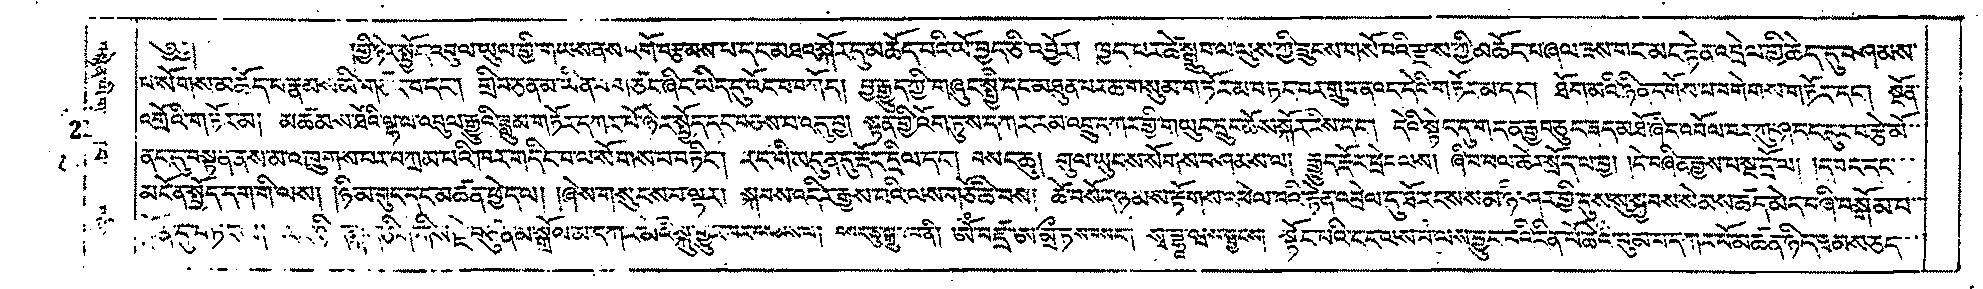༄༅། །གྱི་ཉེར་སྤྱོད་འབུལ་ཡུལ་གྱི་གཡས་ནས་འགོ་བརྩམས་པ་དང་མཐའ་སྐོར་དུ་མཆོད་པའི་ཡོ་བྱད་ཅི་འབྱོར། ཁྱད་པར་ཚེ་སྒྲུབ་ལ་ལུས་ཀྱི་ཟུངས་གསོ་བའི་རྫས་ཀྱི་མཆོད་པ་ཞལ་ཟས་གང་མང་རྟེན་འབྲེལ་གྱི་ཆེད་དུ་བཤམས་
པ་སོགས་མཆོད་པ་རྣམས་མི་གཙང་བ་དང་། གྲིབ་ཅན་མ་ཡིན་པ་གཙང་ཞིང་ཡིད་དུ་འོང་བ་བཀོད། བྱ་རྒྱུད་ཀྱི་གཞུང་སྤྱི་དང་མཐུན་པར་ཆ་གསུམ་གཏོར་མ་བཏང་བར་གྲུབ་ནའང་དེའི་གཏོར་མ་དང་། ཐོག་མའི་ཉིན་དགོས་པ་བགེགས་གཏོར་དང་། སྔོན་
འགྲོའི་གཏོར་མ། མཚམས་ཐོའི་ལྷ་ལ་འབུལ་རྒྱུའི་ཟླུམ་གཏོར་དཀར་པོ་ཉེར་སྤྱོད་དང་བཅས་པ་འདུ་བྱ། སྟན་གྱི་འོག་ཏུ་ས་དཀར་རམ་འབྲུ་དཀར་གྱི་གཡུང་དྲུང་ཆོས་སྐོར་རིས་དང་། དེའི་སྟེང་དུ་གདན་རྒྱབ་ཅུང་ཟད་མཐོ་ཞིང་འབོལ་བར་ཀུ་ཤ་དང་དུར་བ་རྩེ་མོ་་་
ནང་དུ་བསྟན་ནས་མ་འཁྲུགས་པར་བཀྲམ་པའི་ཁར་གདིང་བ་ལ་སོགས་པ་བཏིང་། རང་གི་མདུན་དུ་རྡོར་དྲིལ་དང་། བསང་ཆུ། གུལ་ཡུངས་སོགས་བཤམས་ལ། རྒྱུད་རྡོར་ཕྲེང་ལས། ཞི་བ་ཕལ་ཆེར་སྲོད་ལ་བྱ། །དེ་བཞིན་རྒྱས་པ་སྔ་དྲོ་ལ། །དབང་དང་་་
མངོན་སྤྱོད་དག་གི་ལས། །ཉི་མ་གུང་དང་མཚན་ཕྱེད་ལ། །ཞེས་གསུངས་པ་ལྟར། སྐབས་འདིར་རྒྱས་པའི་ལས་གཙོ་ཆེ་བས། ཚེ་བསོད་ཉམས་རྟོགས་འཕེལ་བའི་རྟེན་འབྲེལ་དུ་ཐོ་རངས་མ་ཉི་ཤར་གྱི་དུས་སུ་སྐྱབས་སེམས་ཚད་མེད་བཞི་བསྒོམ་པ་་་
སྔོན་དུ་བཏང་ལ། རང་ཉིད་སྐད་ཅིག་གིས་རྗེ་བཙུན་མ་སྒྲོལ་མ་དཀར་མོའི་སྐུ་གྱུར་པར་བསམས་ལ། བསང་ཆུ་སྒྲུབ་པ་ནི།  ཨོཾ་བཛྲ་ཨ་མྲྀ་ཏས་བསང་། སྭ་བྷཱ་ཝས་སྤྱངས། སྟོང་པའི་ངང་ལས་བཾ་ལས་བྱུང་བའི་རིན་པོ་ཆེའི་བུམ་པ་དཀར་པོ་མཚན་ཉིད་ཐམས་ཅད་་་